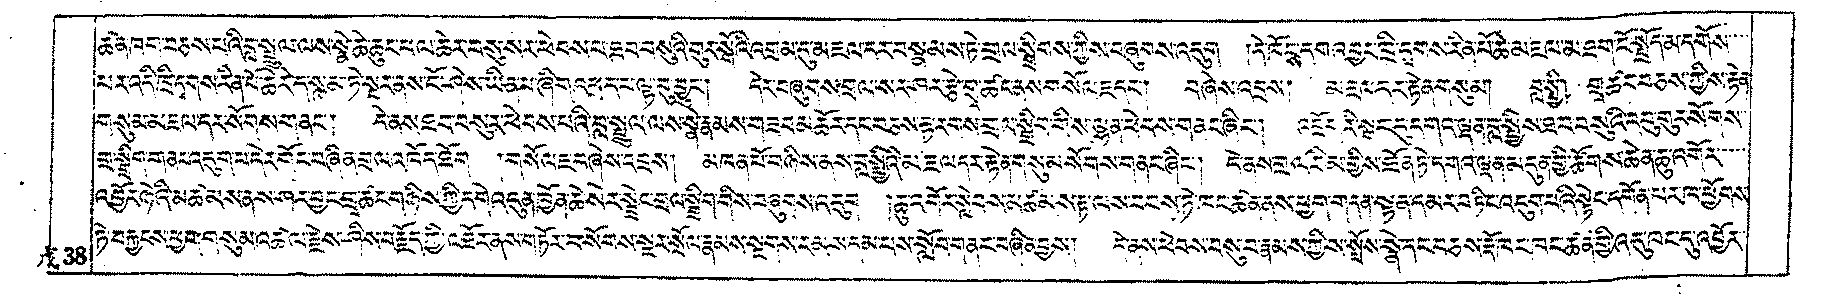ཚན་ཁག་བཅས་པའི་བླ་སྤྲུལ་ལས་སྣེ་ཆེ་ཆུང་ཕལ་ཆེར་བསུ་སར་ཕེབས་པ་ཐབ་བསུའི་གུར་སྒོའི་འགྲམ་དུ་མཇལ་དར་བསྣམས་ཏེ་གྲལ་སྒྲིགས་ཀྱིས་བཞུགས་འདུག །དེ་ཁོངས་དགའ་བྱང་ཁྲི་དྭགས་རིན་པོ་ཆེ་མཇལ་མ་ཐག་ངོ་སྤྲོད་མ་དགོས་
པར་འདི་ཁྲི་དྭགས་རིན་པོ་ཆེ་རེད་སྙམ་ཏེ་སྔར་ནས་ངོ་ཤེས་ཡིན་པ་ཞིག་འཕྲད་པ་ལྟ་བུ་བྱུང་། དེར་བཞུགས་གྲལ་སར་ཤར་རྩེ་གྲྭ་ཚང་ནས་གསོལ་ཇ་དང་། བཞེས་འབྲས། མཇལ་དར་རྟེན་གསུམ། བླ་སྤྱི། གྲྭ་ཚང་བཅས་ཀྱིས་རྟེན་
གསུམ་མཇལ་དར་སོགས་གནང་། དེ་ནས་ཐབ་བསུར་ཕེབས་པའི་བླ་སྤྲུལ་ལས་སྣེ་རྣམས་གཟབ་མཆོར་དང་བཅས་རྟ་རགས་གྲལ་སྒྲིག་གིས་ལྷན་ཕེབས་གནང་ཞིང་། འབྲོག་རི་སྒང་དུ་དགའ་ལྡན་བླ་སྤྱིས་ཐབ་བསུའི་དབུ་གུར་སོགས་
གྲ་སྒྲིག་གནང་འདུག་པ་དེར་གོང་བཞིན་གྲལ་འཁོད་ཐོག །གསོལ་ཇ་བཞེས་འབྲས། མཁན་པོ་གཉིས་ནས་བླ་སྤྱིའི་མཇལ་དར་རྟེན་གསུམ་སོགས་གནང་ཞིང་། དེ་ནས་གྲལ་རིམ་གྱིས་ཐོན་ཏེ་དགའ་ལྡན་མདུན་གྱི་ཚོགས་ཆེན་ཆུ་འགོར་
འབྱོར་ཉེའི་མཚམས་ནས་ཤར་བྱང་གྲྭ་ཚང་གཉིས་ཀྱི་དགེ་འདུན་ཁྱོན་ཆེ་སེར་སྦྲེང་གྲལ་སྒྲིག་གིས་བཞུགས་འདུག །ཆུ་འགོར་སླེབས་མཚམས་རྟ་ལས་བབས་ཏེ་ཁང་ཚན་ནས་ཕྱག་གདན་སྟན་དམར་བ་ཏིང་འདུག་པའི་སྟེང་དགོན་པར་ཁ་ཕྱོགས་
ཏེ་བརྐྱངས་ཕྱག་གསུམ་འཚལ་རྗེས་ཤིས་བརྗོད་ཀྱི་འཐོར་ནས་གཏོར་བ་སོགས་སྔར་སྲོལ་རྣམས་སྔགས་རམས་དམ་པས་སློབ་གནང་བཞིན་བྱས། དེ་ནས་ཕེབས་བསུ་བ་རྣམས་ཀྱིས་སྤོས་སྣེ་དང་བཅས་རྡོ་ཁང་ཁང་ཚན་གྱི་འདུ་ཁང་དུ་འབྱོར་